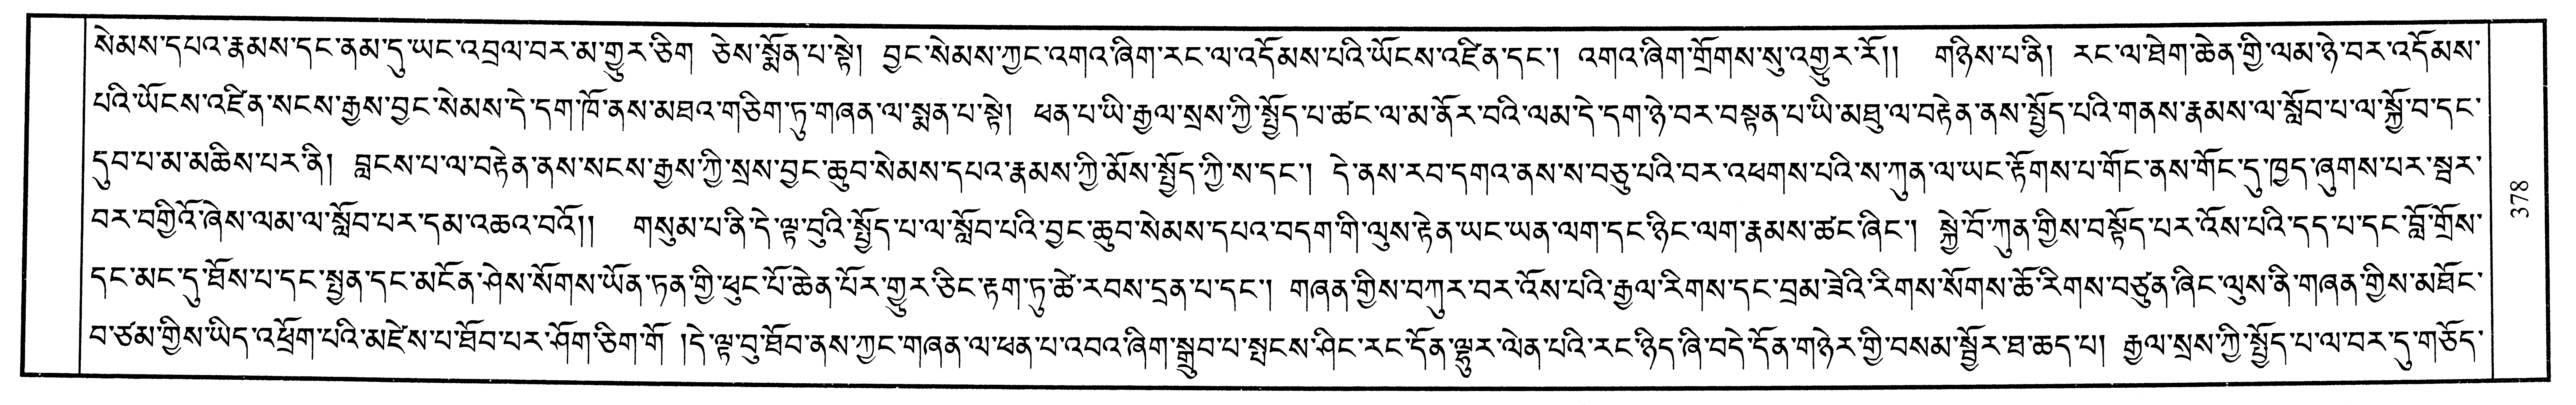སེམས་དཔའ་རྣམས་དང་ནམ་དུ་ཡང་འབྲལ་བར་མ་གྱུར་ཅིག་ཅེས་སྨོན་པ་སྟེ། བྱང་སེམས་ཀྱང་འགའ་ཞིག་རང་ལ་འདོམས་པའི་ཡོངས་འཛིན་དང་། འགའ་ཞིག་གྲོགས་སུ་འགྱུར་རོ།། གཉིས་པ་ནི། རང་ལ་ཐེག་ཆེན་གྱི་ལམ་ཉེ་བར་འདོམས་
པའི་ཡོངས་འཛིན་སངས་རྒྱས་བྱང་སེམས་དེ་དག་ཁོ་ནས་མཐའ་གཅིག་ཏུ་གཞན་ལ་སྨན་པ་སྟེ། ཕན་པ་ཡི་རྒྱལ་སྲས་ཀྱི་སྤྱོད་པ་ཚང་ལ་མ་ནོར་བའི་ལམ་དེ་དག་ཉེ་བར་བསྟན་པ་ཡི་མཐུ་ལ་བརྟེན་ནས་སྤྱོད་པའི་གནས་རྣམས་ལ་སློབ་པ་ལ་སྐྱོ་བ་དང་
དུབ་པ་མ་མཆིས་པར་ནི། བླངས་པ་ལ་བརྟེན་ནས་སངས་རྒྱས་ཀྱི་སྲས་བྱང་ཆུབ་སེམས་དཔའ་རྣམས་ཀྱི་མོས་སྤྱོད་ཀྱི་ས་དང་། དེ་ནས་རབ་དགའ་ནས་ས་བཅུ་པའི་བར་འཕགས་པའི་ས་ཀུན་ལ་ཡང་རྟོགས་པ་གོང་ནས་གོང་དུ་ཁྱད་ཞུགས་པར་སྦར་
བར་བགྱིའོ་ཞེས་ལམ་ལ་སློབ་པར་དམ་འཆའ་བའོ།། གསུམ་པ་ནི་དེ་ལྟ་བུའི་སྤྱོད་པ་ལ་སློབ་པའི་བྱང་ཆུབ་སེམས་དཔའ་བདག་གི་ལུས་རྟེན་ཡང་ཡན་ལག་དང་ཉིང་ལག་རྣམས་ཚང་ཞིང་། སྐྱེ་བོ་ཀུན་གྱིས་བསྟོད་པར་འོས་པའི་དད་པ་དང་བློ་གྲོས་
དང་མང་དུ་ཐོས་པ་དང་སྤྱན་དང་མངོན་ཤེས་སོགས་ཡོན་ཏན་གྱི་ཕུང་པོ་ཆེན་པོར་གྱུར་ཅིང་རྟག་ཏུ་ཚེ་རབས་དྲན་པ་དང་། གཞན་གྱིས་བཀུར་བར་འོས་པའི་རྒྱལ་རིགས་དང་བྲམ་ཟེའི་རིགས་སོགས་ཆོ་རིགས་བཙུན་ཞིང་ལུས་ནི་གཞན་གྱིས་མཐོང་
བ་ཙམ་གྱིས་ཡིད་འཕྲོག་པའི་མཛེས་པ་ཐོབ་པར་ཤོག་ཅིག་གོ །དེ་ལྟ་བུ་ཐོབ་ནས་ཀྱང་གཞན་ལ་ཕན་པ་འབའ་ཞིག་སྒྲུབ་པ་སྤངས་ཤིང་རང་དོན་ལྷུར་ལེན་པའི་རང་ཉིད་ཞི་བདེ་དོན་གཉེར་གྱི་བསམ་སྦྱོར་ཐ་ཆད་པ། རྒྱལ་སྲས་ཀྱི་སྤྱོད་པ་ལ་བར་དུ་གཅོད་